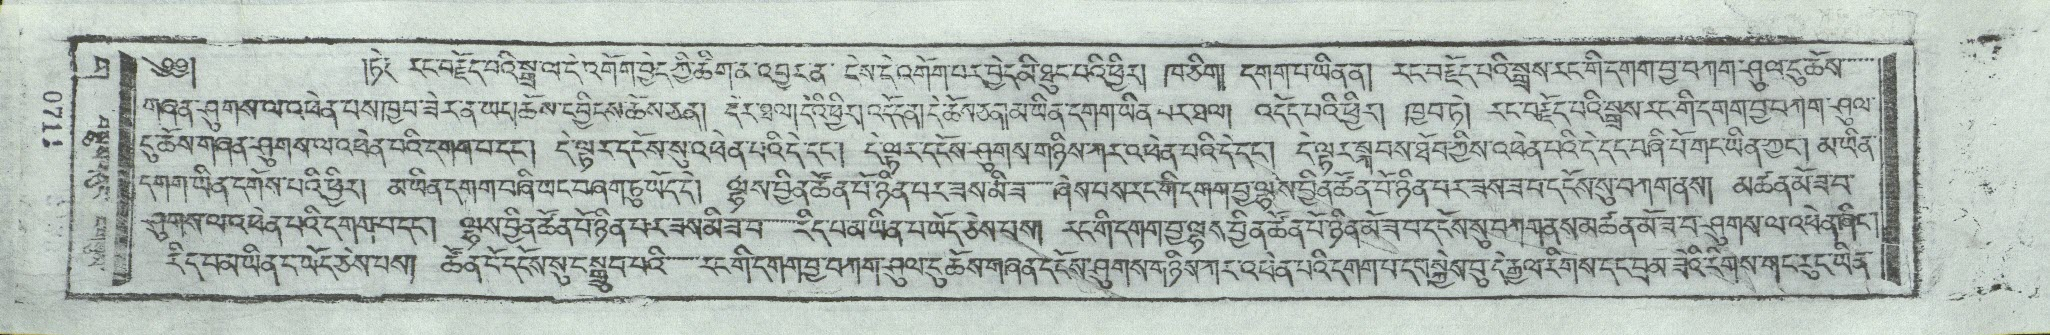༄༅། །ཏེ༑ རང་བརྗོད་པའི་སྒྲ་ལ་དེ་འགོག་བྱེད་ཀྱི་ཚིག་མ་འབྱར་ན་ངེས་དེ་འགོག་པར་བྱེད་མི་ཐུབ་པའི་ཕྱིར། ཁ་ཅིག། དགག་པ་ཡིན་ན། རང་བརྗོད་པའི་སྒྲས་རང་གི་དགག་བྱ་བཀག་ཤུལ་དུ་ཆོས་
གཞན་ཤུགས་ལ་འཕེན་པས་ཁྱབ་ཟེར་ན་ཡང་། ཆོས་དབྱིངས་ཆོས་ཅན། དེར་ཐལ། དེའི་ཕྱིར། འདོད་ན། དེ་ཆོས་ཅན། མ་ཡིན་དགག་ཡིན་པར་ཐལ། འདོད་པའི་ཕྱིར། ཁྱབ་ཏེ། རང་བརྗོད་པའི་སྒྲས་རང་གི་དགག་བྱ་བཀག་ཤུལ་
དུ་ཆོས་གཞན་ཤུགས་ལ་འཕེན་པའི་དགག་པ་དང་། དེ་ལྟར་དངོས་སུ་འཕེན་པའི་དེ་དང་། དེ་ལྟར་དངོས་ཤུགས་གཉིས་ཀར་འཕེན་པའི་དེ་དང་། དེ་ལྟར་སྐབས་ཐོབ་ཀྱིས་འཕེན་པའི་དེ་དང་བཞི་པོ་གང་ཡིན་ཀྱང་། མ་ཡིན་
དགག་ཡིན་དགོས་པའི་ཕྱིར། མ་ཡིན་དགག་བཞི་ཡང་བཞག་ཏུ་ཡོད་དེ། ལྷས་བྱིན་ཚོན་པོ་ཉིན་པར་ཟས་མི་ཟ་ཞེས་པས་རང་གི་དགག་བྱ་ལྷས་བྱིན་ཚོན་པོ་ཉིན་པར་ཟས་ཟ་བ་དངོས་སུ་བཀག་ནས། མཚན་མོ་ཟ་བ་
ཤུགས་ལ་འཕེན་པའི་དགག་བ་དང་། ལྷས་བྱིན་ཚོན་པོ་ཉིན་པར་ཟས་མི་ཟ་བ་རིང་པ་མ་ཡིན་པ་ཡོད་ཅེས་པས། རང་གི་དགག་བྱ་ལྷས་བྱིན་ཚོན་པོ་ཉིན་མོ་ཟ་བ་དངོས་སུ་བཀག་ནས་མཚན་མོ་ཟ་བ་ཤུགས་ལ་འཕེན་ཞིང་།
རིང་བ་མ་ཡིན་པ་ཡོད་ཅེས་བས། ཚོན་བོ་དངོས་སུ་བསྒྲུབ་པའི་རང་གི་དགག་བྱ་བཀག་ཤུལ་དུ་ཆོས་གཞན་དངོས་ཤུགས་གཉིས་ཀར་འཕེན་པའི་དགག་པ་དག་སྐྱེས་བུ་དེ་རྒྱལ་རིགས་དང་བྲམ་ཟེའི་རིགས་གང་རུང་ཡིན་